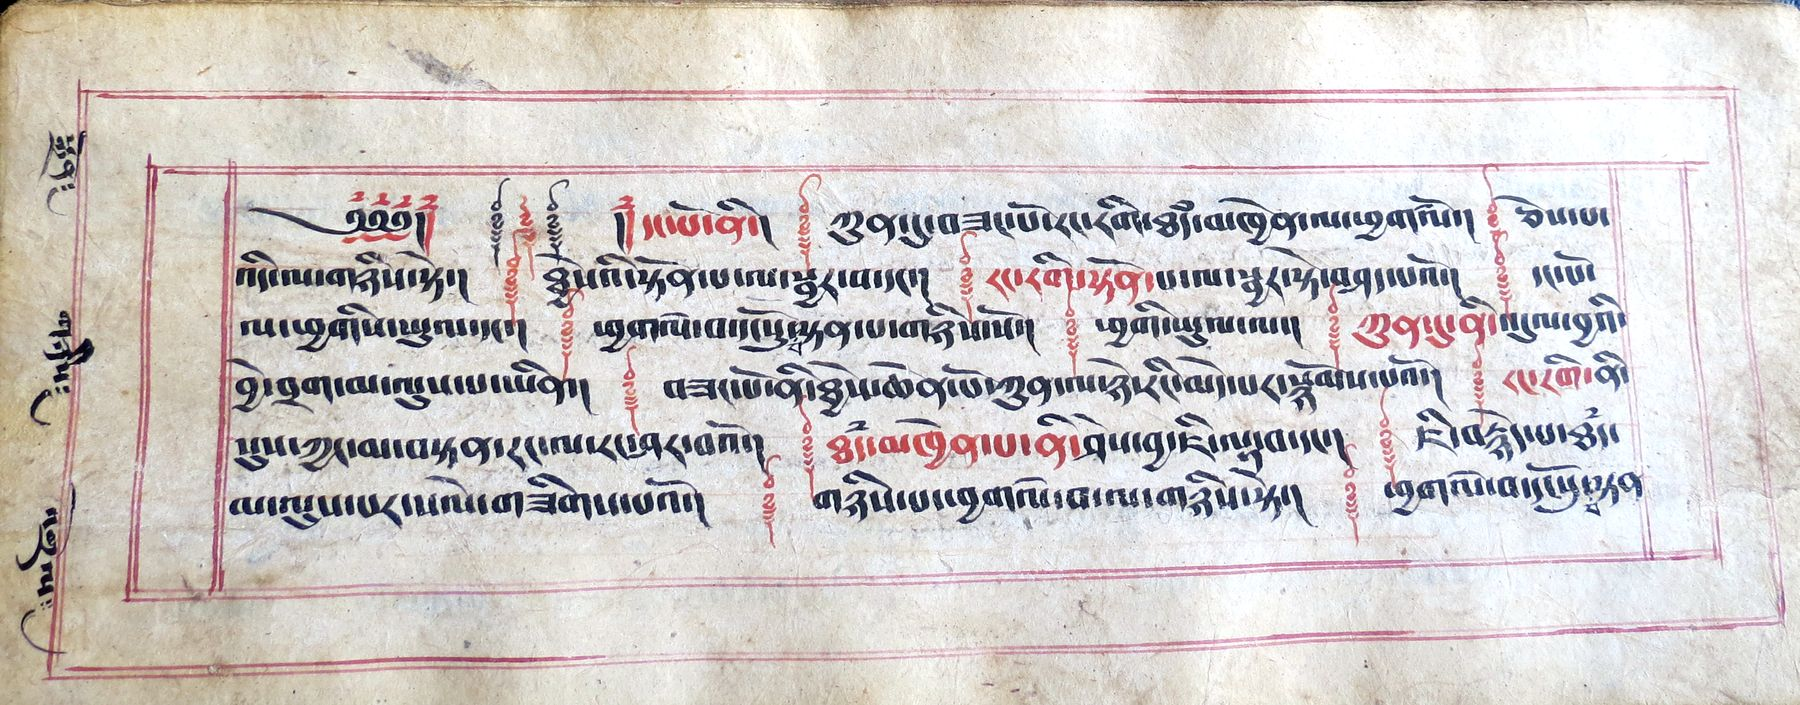དང་པོ་ནི། ཀུན་ཏུ་བཟང་པོ་རང་རིག་ཐམས་ཅད་མཁྱེན་ལ་ཕྱག་འཚལ་ལོ། །ཞེས་པ་
འདི་ལ་གཉིས་ཏེ། ཐུགས་རྗེའི་སྟོན་པ་ལ་སྦྱར་བ་དང་། རང་རིག་གི་སྟོན་པ་ལ་སྦྱར་ཏེ་བཤད་པའོ། །དང་པོ་
ལ་ཕྱག་གི་ཡུལ་དང་། ཕྱག་འཚལ་བ་དངོས་སུ་བསྟན་པ་གཉིས་སོ། །ཕྱག་གི་ཡུལ་ལ། ཀུན་ཏུ་ནི་གདུལ་བྱའི་
བྱེ་བྲག་མ་ལུས་པ་ཡིན། བཟང་པོ་ནི་ཐུགས་རྗེ་ཆེན་པོ་ཀུན་ལ་ཉེ་རིང་མེད་པར་སྙོམས་པའོ། །རང་རིག་ནི་
སུས་ཀྱང་མ་བསྟན་རང་ལ་རང་ཤར་བའོ། ཐམས་ཅད་མཁྱེན་པ་ཤེས་བྱ་ཇི་ལྟ་བ་དང་། ཇི་སྙེད་པ་ཐམས་ཅད་
མ་ལུས་པར་སལེར་གཟིགས་པའོ། །གཉིས་པ་ཕྱག་འཚལ་བ་ལ་གཉིས་ཏེ། ཕྱག་འཚལ་བ་དངོས་སུ་བསྟན་